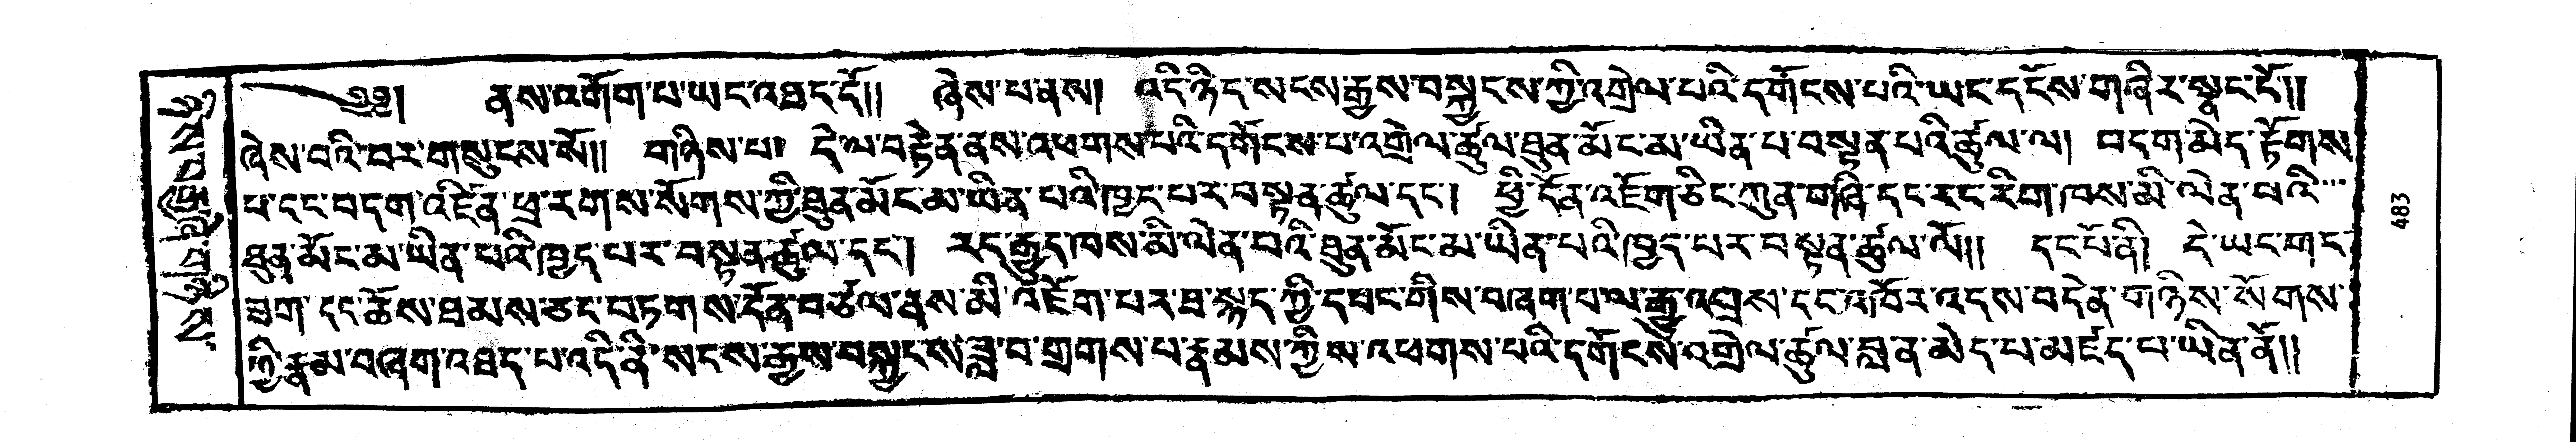༄༅། །ནས་འགོག་པ་ཡང་འཐད་དོ། །ཞེས་པ་ནས། འདི་ཉིད་སངས་རྒྱས་བསྐྱངས་ཀྱི་འགྲེལ་པའི་དགོངས་པའི་ཡང་དངོས་གཞིར་སྣང་ངོ། །
ཞེས་པའི་བར་གསུངས་སོ། །གཉིས་པ། དེ་ལ་བརྟེན་ནས་འཕགས་པའི་དགོངས་པ་འགྲེལ་ཚུལ་ཐུན་མོང་མ་ཡིན་པ་བསྟན་པའི་ཚུལ་ལ། བདག་མེད་རྟོགས་
པ་དང་བདག་འཛིན་ཕྲ་རགས་སོགས་ཀྱི་ཐུན་མོང་མ་ཡིན་པའི་ཁྱད་པར་བསྟན་ཚུལ་དང་། ཕྱི་དོན་འཇོག་ཅིང་ཀུན་གཞི་དང་རང་རིག་ཁས་མི་ལེན་པའི་
ཐུན་མོང་མ་ཡིན་པའི་ཁྱད་པར་བསྟན་ཚུལ་དང་། རང་རྒྱུད་ཁས་མི་ལེན་པའི་ཐུན་མོང་མ་ཡིན་པའི་ཁྱད་པར་བསྟན་ཚུལ་ལོ། །དང་པོ་ནི། དེ་ཡང་གང་
ཟག་དང་ཆོས་ཐམས་ཅད་བཏགས་དོན་བཙལ་ནས་མི་འཇོག་པར་ཐ་སྙད་ཀྱི་དབང་གིས་བཞག་པ་ལ་རྒྱུ་འབྲས་དང་འཁོར་འདས་བདེན་གཉིས་སོགས་
ཀྱི་རྣམ་བཞག་འཐད་པ་འདི་ནི་སངས་རྒྱས་བསྐྱངས་ཟླ་བ་གྲགས་པ་རྣམས་ཀྱིས་འཕགས་པའི་དགོངས་འགྲེལ་ཚུལ་བླ་ན་མེད་པ་མཛད་པ་ཡིན་ནོ། །